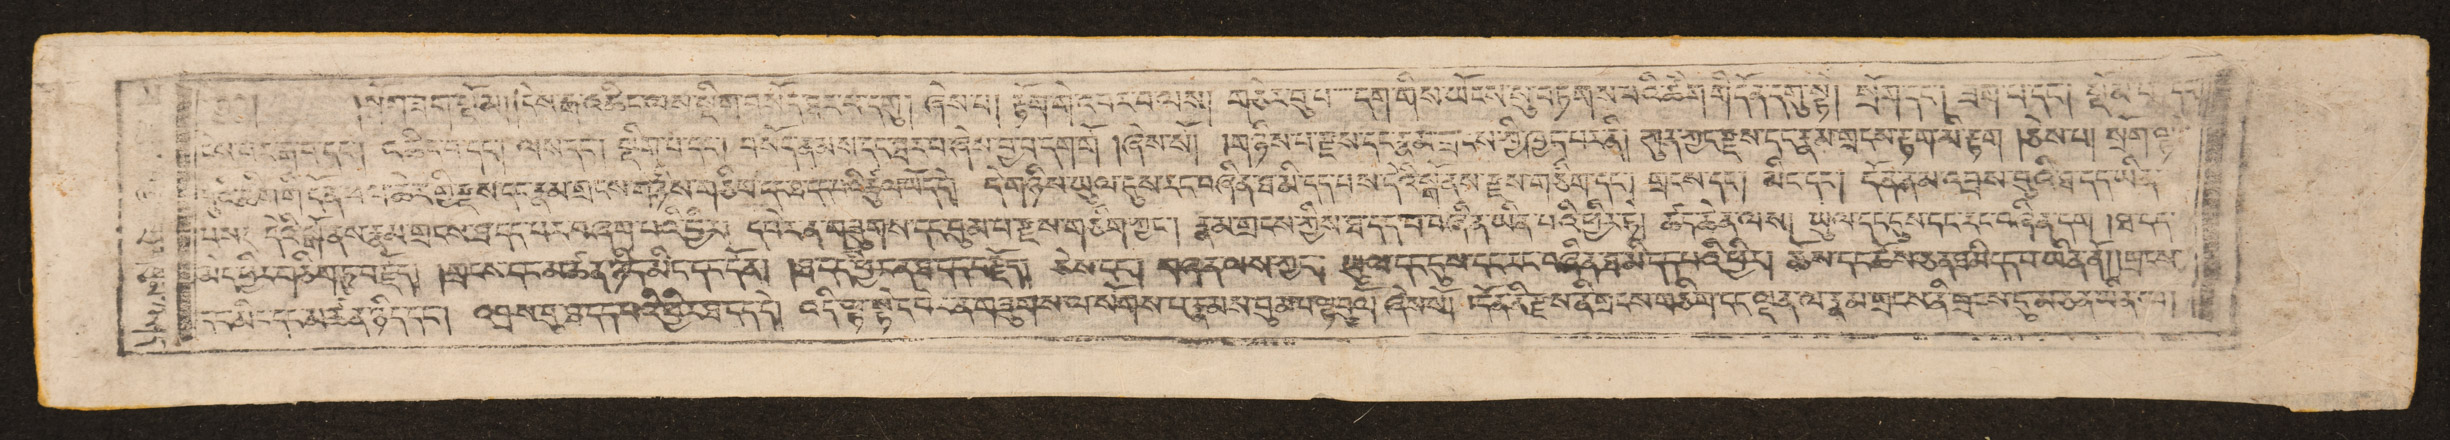༄༅། །སྲོག་ཟག་སྡོམ། །དེས་རྒ་འཚིང་ལས་སྡིག་བསོད་ཐར་བ་དགུ། ཞེས་པ། རྟོག་གེ་འབར་བ་ལས། གཅེར་བུ་བ་དག་གིས་ཡོངས་སུ་བཏགས་པའི་ཚིག་གི་དོན་དགུ་སྟེ། གྲོག་དང་། ཟག་པ་དང་། སྡོམ་པ་དང་།
དེས་བར་རྒ་བ་དང་། འཆིང་བ་དང་། ལས་དང་། སྡིག་པ་དང་། བསོད་ནམས་དང་ཐར་བ་ཞེས་བྱ་བ་དག་གོ །ཞེས་སོ། །གཉིས་པ་རྫས་དང་རྣམ་གྲངས་ཀྱི་ཁྱད་པར་ནི། ཀུན་ཀྱང་རྫས་དང་རྣམ་གྲངས་རྟག་མི་རྟག །ཅེས་པ། སྲོག་ལྟ་
བུའི་ཚིག་གི་དོན་ཕལ་ཆེར་གྱི་རྫས་དང་རྣམ་གྲངས་གཉིས་གཅིག་དང་ཐ་དད་པའི་ཚུལ་ཡོད་དེ། དེ་གཉིས་ཡུལ་དུས་རང་བཞིན་ཐ་མི་དད་པས་དེའི་སྒོ་ནས་རྫས་གཅིག་དང་། གྲངས་དང་། མིང་དང་། དོན་ནམ་འབྲས་བུའི་ཐ་དད་ཡིན་
བས༑ དེའི་སྒོ་ནས་རྣམ་གྲངས་ཐ་དད་པར་བཞག་པའི་ཕྱིར། དཔེར་ན་གཟུགས་དང་བུམ་པ་རྫས་གཅིག་ཀྱང་། རྣམ་གྲངས་ཀྱིས་ཐ་དད་པ་བཞིན་ཡིན་པའི་ཕྱིར་ཏེ། ཚད་ཆེན་ལས། ཡུལ་དང་དུས་དང་རང་བཞིན་དག །ཐ་དད་
མེད་ཕྱིར་གཅིག་ཏུ་བརྗོད། །གྲངས་དང་མཚན་ཉིད་མིང་དང་དོན། །ཐ་དད་ཕྱིར་ན་ཐ་དད་བརྗོད། ཅེས་དང་། གཞན་ལས་ཀྱང་། ཡུལ་དང་དུས་དང་རང་བཞིན་ཐ་མི་དད་པའི་ཕྱིར། ཆོས་དང་ཆོས་ཅན་ཐ་མི་དད་པ་ཡིན་ནོ། །གྲངས་
དང་མིང་དང་མཚན་ཉིད་དང་། འབྲས་བུ་ཐ་དད་པའི་ཕྱིར་ཐ་དད་དེ། འདི་ལྟ་སྟེ་དཔེར་ན་གཟུགས་ལ་སོགས་པ་རྣམས་བུམ་པ་ལྟ་བུའོ། ཞེས་སོ། །དོན་ནི་རྫས་ནི་གྲངས་གཅིག་དད་ལྡན་ལ་རྣམ་གྲངས་ནི་གྲངས་དུ་མ་ཅན་ཡིན་ལ།